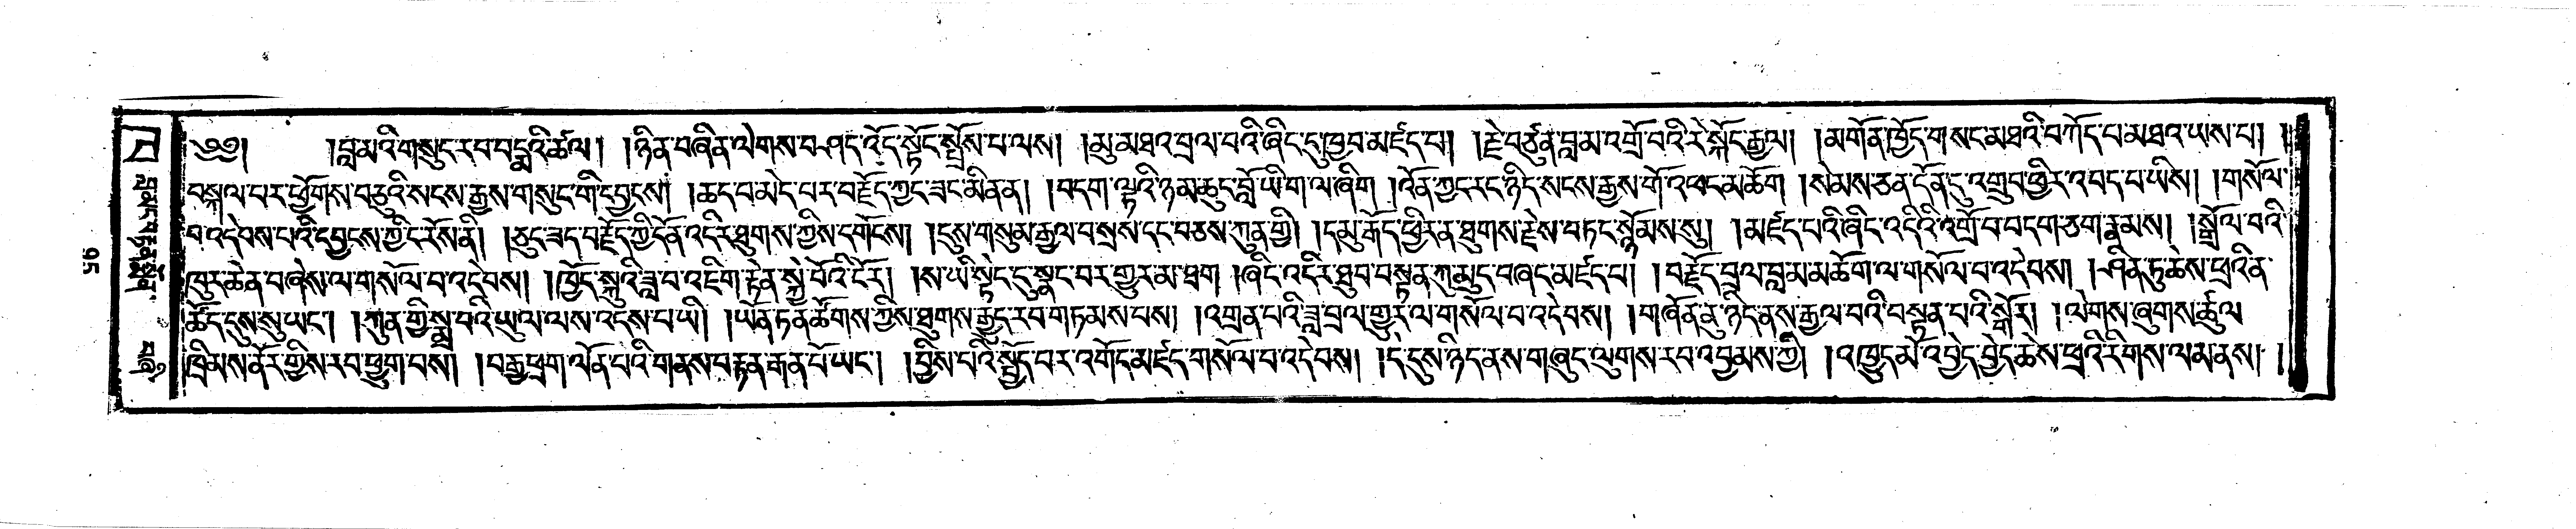༄༅། །བླ་མའི་གསུང་རབ་པདམའི་ཚལ། །ཉིན་བཞིན་ལེགས་བཤད་འོད་སྟོང་སྤྲོས་པ་ལས། །མུ་མཐའ་བྲལ་བའི་ཞིང་དུ་ཁྱབ་མཛད་པ། །རྗེ་བཙུན་བླ་མ་འགྲོ་བའི་རེ་སྐོང་རྒྱལ། །མགོན་ཁྱོད་གསང་མཐའི་བཀོད་པ་མཐའ་ཡས་པ། །
བསྐལ་པར་ཕྱོགས་བཅུའི་སངས་རྒྱས་གསུང་གི་དབྱངས། །ཆད་པ་མེད་པར་བརྗོད་ཀྱང་ཟང་མིན་ན། །བདག་ལྟའི་ཉམ་ཆུང་བློ་ཡིག་ལ་ཞིག །འོན་ཀྱང་རང་ཉིད་སངས་རྒྱས་གོ་འཕང་མཆོག །སེམས་ཅན་དོན་དུ་འགྲུབ་ཕྱིར་འབད་པ་ཡིས། །གསོལ་
བ་འདེབས་པའི་དབྱངས་ཀྱི་ང་རོས་ནི། །ཅུང་ཟད་བརྗོད་ཀྱི་དོན་འདིར་ཐུགས་ཀྱིས་དགོངས། །དུས་གསུམ་རྒྱལ་བ་སྲས་དང་བཅས་ཀུན་གྱི། །དམུ་རྒོད་ཕྱིར་ན་ཐུགས་རྗེས་བཏང་སྙོམས་སུ། །མཛད་པའི་ཞིང་འདིའི་འགྲོ་བ་བདག་ཅག་རྣམས། །སྒྲོལ་བའི་
ཁུར་ཆེན་བཞེས་ལ་གསོལ་བ་འདེབས། །ཁྱོད་སྐུའི་ཟླ་བ་འཇིག་རྟེན་སྐྱེ་བོའི་ངོར། །ས་ཡི་སྟེང་དུ་སྣང་བར་གྱུར་མ་ཐག །ཞིང་འདིར་ཐུབ་བསྟན་ཀུ་མུད་བཞད་མཛད་པ། །བརྗོད་བྲལ་བླ་མ་མཆོག་ལ་གསོལ་བ་འདེབས། །ཤིན་ཏུ་ཆེས་ཕྲའི་ན་
ཚོད་དུས་སུ་ཡང་། །ཀུན་གྱི་སྨྲ་བའི་ཡུལ་ལས་འདས་པ་ཡི། །ཡོན་ཏན་ཚོགས་ཀྱིས་ཐུགས་རྒྱུད་རབ་གཏམས་པས། །འགྲན་པའི་ཟླ་བྲལ་གྱུར་ལ་གསོལ་བ་འདེབས། །གཞོན་ནུ་ཉིད་ནས་རྒྱལ་བའི་བསྟན་པའི་སྒོར། །ལེགས་ཞུགས་ཚུལ་
ཁྲིམས་ནོར་གྱིས་རབ་ཕྱུག་པས། །བརྒྱ་ཕྲག་ལོན་པའི་གནས་བརྟན་རྒན་པོ་ཡང་། །བྱིས་པའི་སྤྱོད་པར་འགོད་མཛད་གསོལ་བ་འདེབས། །དེ་དུས་ཉིད་ནས་གཞུང་ལུགས་རབ་འབྱམས་ཀྱི། །འཁྱུད་མོ་འབྱེད་བྱེད་ཆེས་ཕྲའི་རིགས་ལམ་ནས། །